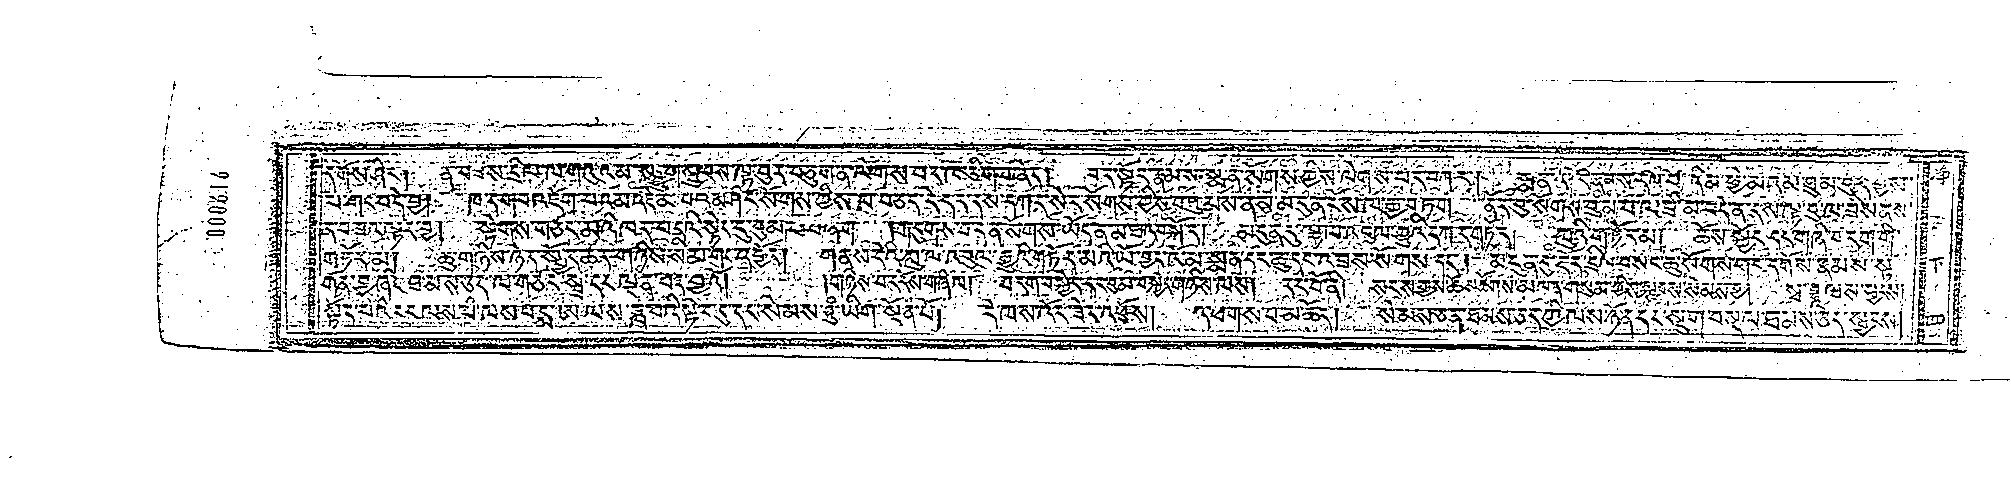དགོས་ཤིང་། ན་བཟས་དྲིལ་ལ་གའུའམ་སྨྱུག་སྦུབས་ལྟ་བུར་བཅུག་ན་ལེགས་པར་ཁ་ཅིག་བཞེད། བར་སྟོང་རྣམས་སྨན་སོགས་ཀྱིས་ལེགས་པར་བཀར། སྨན་འདི་རྣམས་རེལ་པོའི་མ་ཕྱེ་མའམ་ཐུམ་བུར་བྱས་
པ་གང་བདེ་བྱ། ཁ་དག་འཇོག་པའམ་འཇིམ་པའམ་ཤིང་སོགས་ཀྱིས་ཁ་བཅད་དེ་དང་རས་དཀར་སེར་སོགས་ཀྱིས་བཏུམས་ནས་མདུན་ངོས་ལ་རྒྱ་བཏབ། ནོར་བུ་སོགས་བུམ་པ་ལ་བྲི་མ་བདེན་རས་ལྟ་བུ་ལ་བྲིས་ནས་
ན་བཟའ་ལྟར་བྱ། སྟེགས་གཙང་མའི་ཁར་པདམའི་སྟེང་དུ་བུམ་པ་བཞག །གདུགས་བ་དན་སོགས་ཡོད་ན་མཐའ་བསྐོར། མདུན་དུ་ལྷ་ལ་འབུལ་རྒྱུའི་དཀར་གཏོར། ཀླུའི་གཏོར་མ། ཆོས་སྐྱོང་དང་གཞི་བདག་གི་
གཏོར་མ། ཆུ་གཉིས་ཉེར་སྤྱོད་ཚར་གཉིས་སམ་གང་འབྱོར། གནས་དེའི་ཀླུ་ལ་འབུལ་རྒྱུའི་གཏོར་མའི་ཡོ་བྱད་འོ་མ་སྨན་དང་ཆུ་དང་འབྲས་སོགས་དང་། མདུན་དུ་རྡོར་དྲིལ་བསང་ཆུ་སོགས་གང་དགོས་རྣམས་སྟ་
གོན་བྱ་ཞིང་ཐམས་ཅད་ལ་གཙང་སྦྲ་དང་ལྡན་བར་བྱའོ། །གཉིས་པ་དངོས་གཞིལ། བདག་བསྐྱེད་དང་བུམ་བསྐྱེད་གཉིས་ལས། དང་པོ་ནི། སངས་རྒྱས་ཆོས་ཚོགས་མ་ལན་གསུམ་གྱིས་སྐྱབས་སེམས་བྱ། སྭ་བྷཱ་ཝས་སྦྱངས།
སྟོང་པའི་དང་ལས་པཾ་ལས་པདམ་ཨ་ལས་ཟླ་བའི་སྟེང་དུ་དང་སེམས་ཧཱུཾ་ཡིག་སྔོན་པོ། དེ་ལས་འོད་ཟེར་འཕྲོས། འཕགས་པ་མཆོད། སེམས་ཅན་ཐམས་ཅད་ཀྱི་ལས་ཉོན་དང་སྡུག་བསྔལ་ཐམས་ཅད་སྦྱངས།